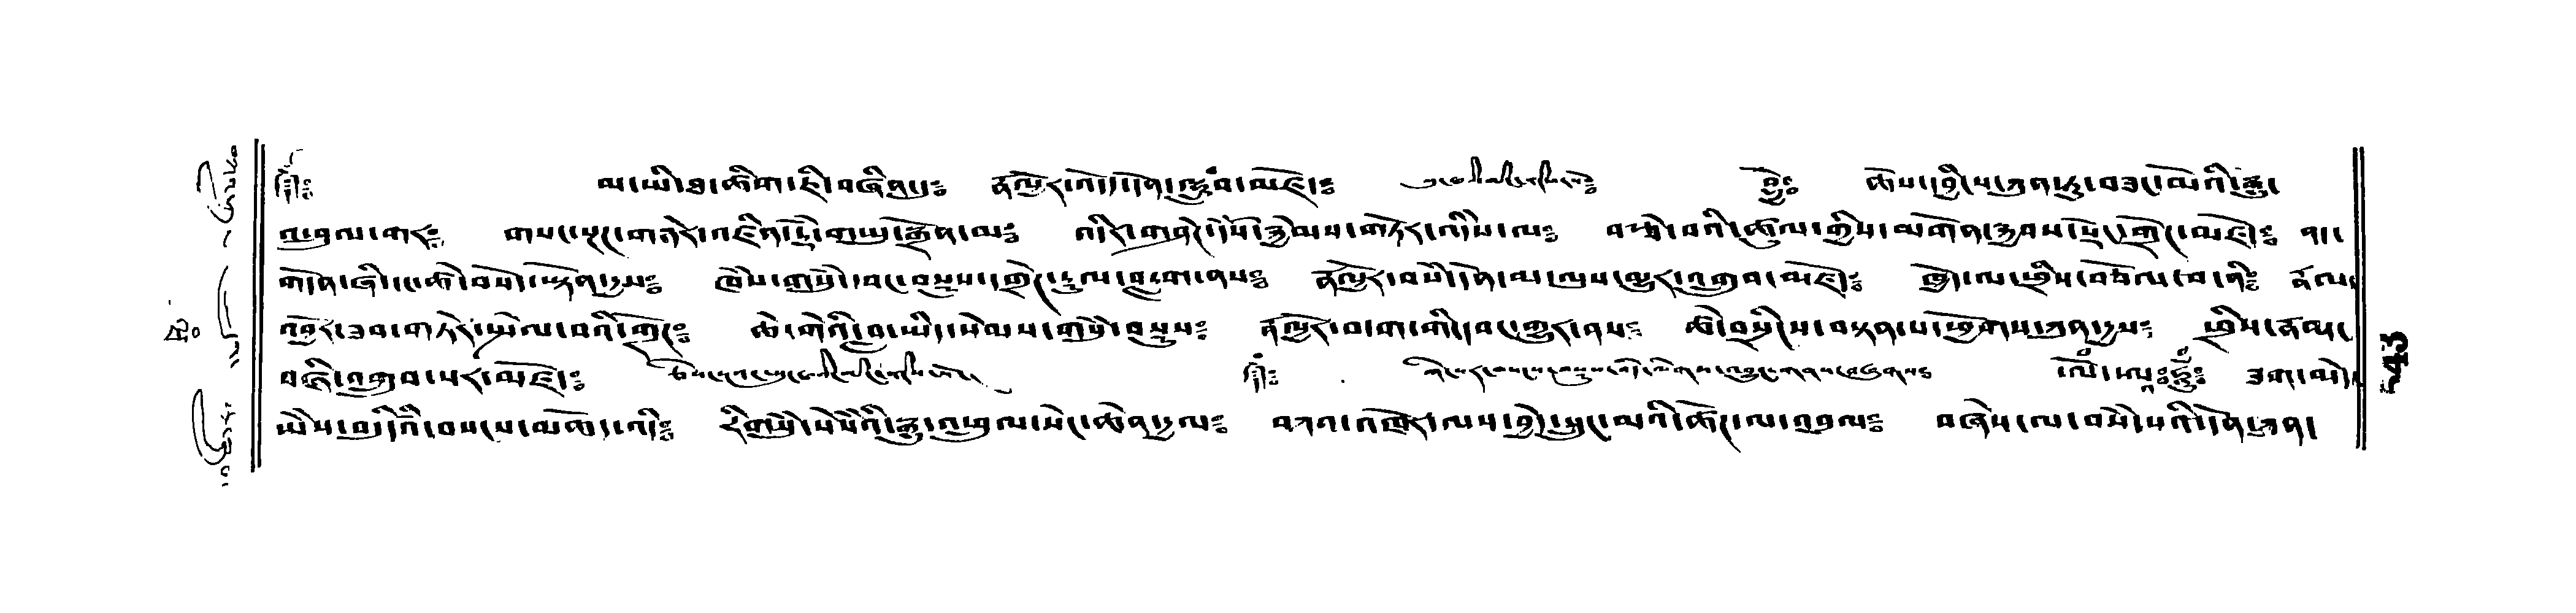མ་ཡི་ཐ་ཚིག་ཇི་བཞིན་དུ༔ རྣལ་འབྱོར་འདོད་དོན་ལྷུན་གྲུབ་མཛོད༔ སུ་ཁའི་མིང་གིས་སོ༔ བྷྱོ༔ ཆོས་དབྱིངས་ཀུན་ཏུ་བཟང་མོའི་སྒྱུ་
འཕྲུལ་གར༔ གསང་སྔགས་གཉེར་འཛིན་རྡོ་རྗེ་གཡུ་སྒྲོན་མ༔ འདིར་གཤེགས་དམ་རྫས་སྐྱེམས་གཏོར་འདི་ཤེས་ལ༔ བརྩེ་བའི་ཚུལ་གྱིས་མགོན་སྐྱབས་སྡོང་གྲོགས་མཛོད༔ ནད་
གདོན་ཞི་དང་ཚེ་བསོད་ཡོན་ཏན་རྒྱས༔ ཁམས་གསུམ་དབང་བསྡུས་དགྲ་བགེགས་རྡུལ་བརླགས་ནས༔ རྣལ་འབྱོར་བསམ་དོན་མ་ལུས་མྱུར་འགྲུབ་མཛོད༔ ཁྱོད་ལ་ཕྲིན་ལས་བཅོལ་བ་ནི༔ རྣལ་
འབྱོར་ཟབ་གཏེར་སྤེལ་བའི་གྲོགས༔ ཆེ་གེའི་བླ་ཡིད་སེམས་གསུམ་བསྡུས༔ རྣལ་འབྱོར་བདག་གི་དབང་གྱུར་ནས༔ ཚེ་བསྲིངས་བསྟན་པ་ཕྱོགས་ཀུན་རྒྱས༔ ཕྲིན་ལས་རྣམ་
བཞི་འགྲུབ་པར་མཛོད༔ ཅེས་པའང་སུ་ཁའི་མིང་གིས་སོ།། གེ་སར་བསངས་བསྡུས་བདེ་ལེགས་འབྱུང་གནས་བཞུགས༔ ཨོཾ་ཨཱཿཧཱུྃ༔ ཟག་མེད་
ཡེ་ཤེས་བདུད་རྩིའི་བསངས་མཆོད་འདི༔ རིག་གསུམ་སེམས་དཔའི་སྒྱུ་འཕྲུལ་སེང་ཆེན་རྒྱལ༔ བཀའ་འཁོར་ལས་བྱེད་སྲུང་མའི་ཚོགས་ལ་འབུལ༔ བཞེས་ལ་བསམ་པའི་དོན་ཀུན་